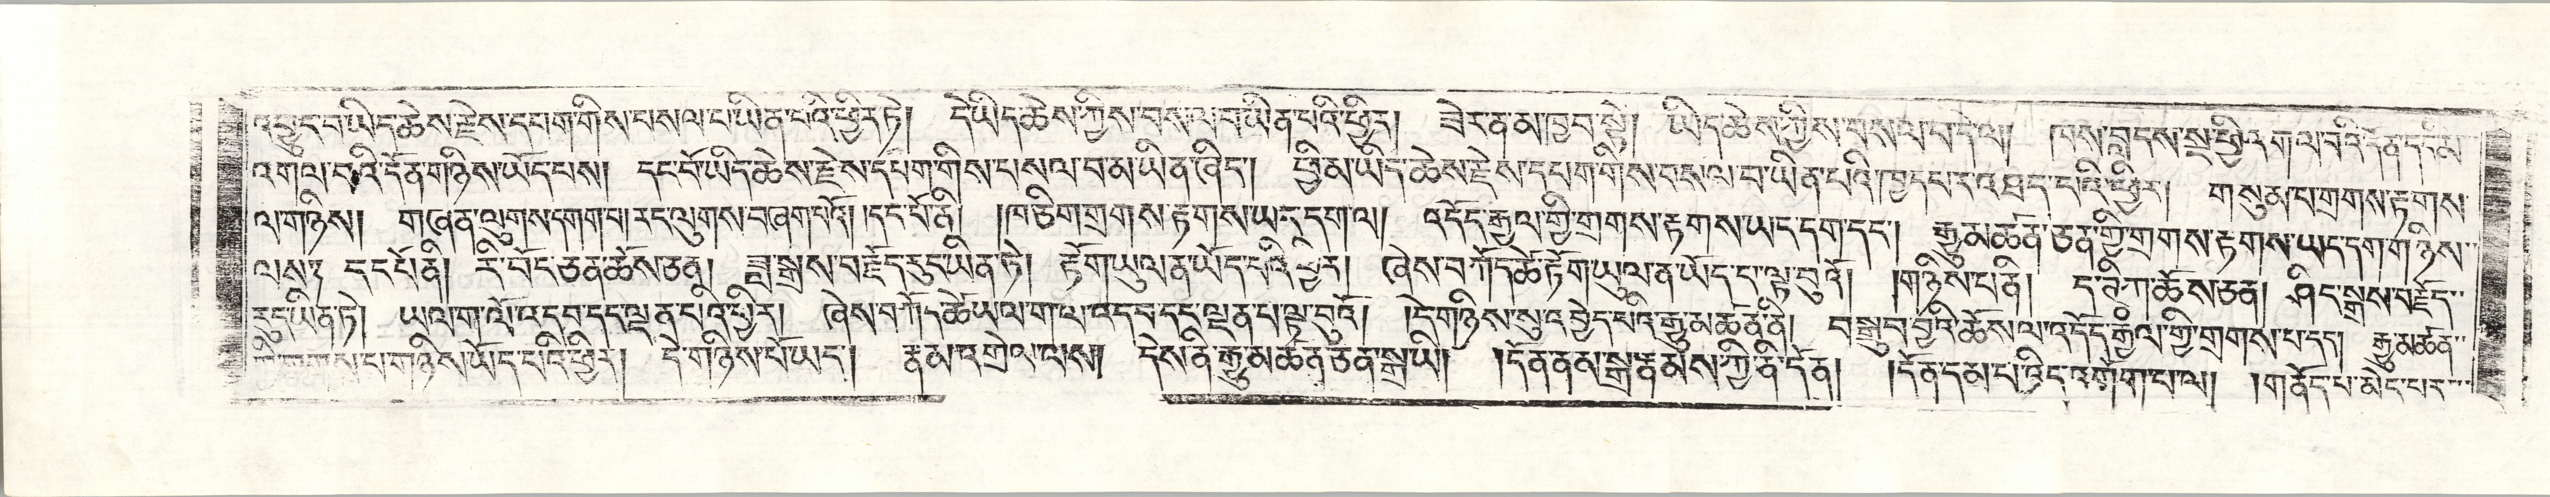འབྱུང་བ་ཡིད་ཆེས་རྗེས་དཔག་གིས་བསལ་བ་ཡིན་པའི་ཕྱིར་ཏེ། དེ་ཡིད་ཆེས་ཀྱིས་བསལ་བ་ཡིན་པའི་ཕྱིར། ཟེར་ན་མ་ཁྱབ་སྟེ། ཡིད་ཆེས་ཀྱིས་བསལ་བ་དེ་ལ། ཁས་བླངས་སྔ་ཕྱི་འགལ་བའི་དོན་དང་མི་
འགལ་བའི་དོན་གཉིས་ཡོད་པས། དང་པོ་ཡིད་ཆེས་རྗེས་དཔག་གིས་བསལ་བ་མ་ཡིན་ཞིང་། ཕྱི་མ་ཡིད་ཆེས་རྗེས་དཔག་གིས་བསལ་བ་ཡིན་པའི་ཁྱད་པར་འཐད་པའི་ཕྱིར། གསུམ་པ་གྲགས་རྟགས་
ལ་གཉིས། གཞན་ལུགས་དགག་བ། རང་ལུགས་བཞག་པའོ། །དང་པོ་ནི། །ཁ་ཅིག་གྲགས་རྟགས་ཡང་དག་ལ། འདོད་རྒྱལ་གྱི་གྲགས་རྟགས་ཡང་དག་དང་། རྒྱུ་མཚན་ཅན་གྱི་གྲགས་རྟགས་ཡང་དག་གཉིས་
ལས། དང་པོ་ནི། རི་བོང་ཅན་ཆོས་ཅན། ཟླ་སྒྲས་བརྗོད་རུང་ཡིན་ཏེ། རྟོག་ཡུལ་ན་ཡོད་པའི་ཕྱིར། ཞེས་བཀོད་ཚེ་རྟོག་ཡུལ་ན་ཡོད་པ་ལྟ་བུའོ། །གཉིས་པ་ནི། ད་ཏྲིག་ཆོས་ཅན། ཤིང་སྒྲས་བརྗོད་
རུང་ཡིན་ཏེ། ཡལ་ག་ལོ་འདབ་དང་ལྡན་པའི་ཕྱིར། ཞེས་བཀོད་ཚེ་ཡལ་ག་ལོ་འདབ་དང་ལྡན་པ་ལྟ་བུའོ། །དེ་གཉིས་སུ་འབྱེད་པའི་རྒྱུ་མཚན་ནི། བསྒྲུབ་བྱའི་ཆོས་ལ་འདོད་རྒྱལ་གྱི་གྲགས་པ་དང་། རྒྱུ་མཚན་
གྱི་གྲགས་པ་གཉིས་ཡོད་པའི་ཕྱིར། དེ་གཉིས་པོ་ཡང་། རྣམ་འགྲེལ་ལས། དེས་ནི་རྒྱུ་མཚན་ཅན་སྒྲ་ཡི། །དོན་ནམ་སྒྲ་རྣམས་ཀྱི་ནི་དོན། །དོན་དམ་པ་ཉིད་འགོག་པ་ལ། །གནོད་པ་མེད་པར་